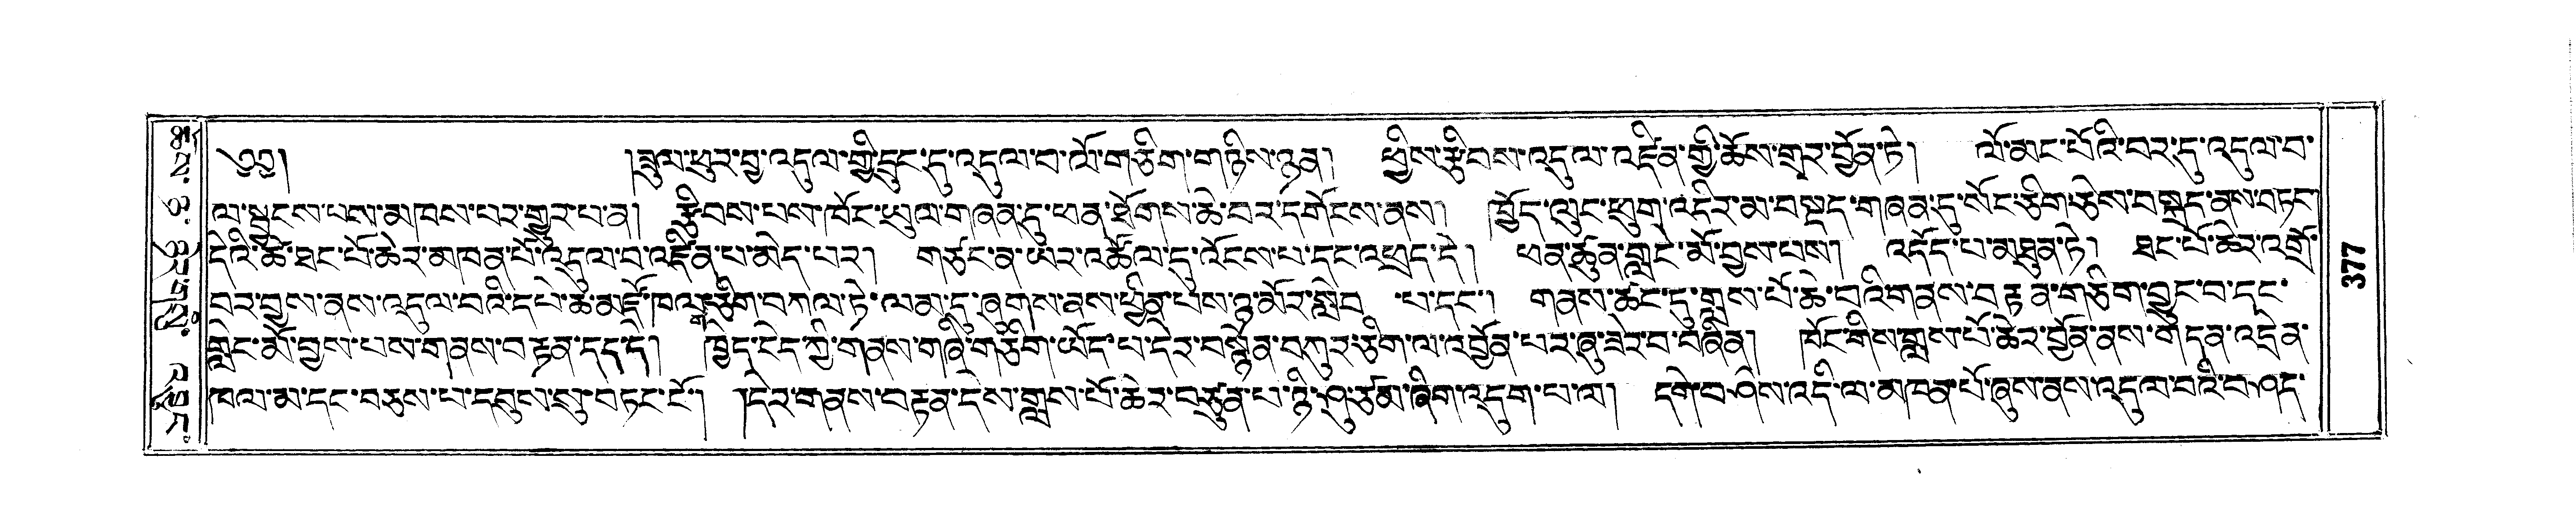༄༅། །ཟུལ་ཕུར་བྱ་འདུལ་གྱི་དྲུང་དུ་འདུལ་བ་ལོ་གཅིག་གཉིས་ཉན། ཕྱིས་རྩིབས་འདུལ་འཛིན་གྱི་ཆོས་གྲྭར་བྱོན་ཏེ། ལོ་མང་པོའི་བར་དུ་འདུལ་བ་
ལ་སྦྱངས་པས་མཁས་པར་གྱུར་པ་ན། རྩིབས་པས་ཁོང་ཡུལ་གཞན་དུ་ཕན་ཐོགས་ཆེ་བར་དགོངས་ནས། ཁྱོད་ལུང་ཕུག་འདིར་མ་བསྡད་གཞན་དུ་སོང་ཅིག་ཅེས་བསྐྲད་ནས་བཏང་
དེའི་ཚེ་ཐང་པོ་ཆེར་མཁན་པོ་འདུལ་བ་འཛིན་པ་མེད་པར། གཙང་ན་ཡར་འཚོལ་དུ་འོངས་པ་དང་འཕྲད་དེ། ཕན་ཚུན་གླང་མོ་བྱས་པས། འདོད་པ་མཐུན་ཏེ། ཐང་པོ་ཆེར་འགྲོ་
བར་བྱས་ནས་འདུལ་བའི་དཔེ་ཆ་མཛོ་ཁལ་ག་ཅིག་བཀལ་ཏེ་ལམ་དུ་ཞུགས་ནས་ཕྱིན་པས་ཉ་མོར་སླེབ་པ་དང་། གནས་ཚང་དུ་གླས་པོ་ཆེ་བའི་གནས་བརྟན་གཅིག་བྱུང་བ་དང་
གླེང་མོ་བྱས་པས་གནས་བརྟན་དད་དེ། ཁྱེད་ངེད་ཀྱི་གནས་གཞི་གཅིག་ཡོད་པ་དེར་བསྙེན་བསྐུར་ཅིག་ལ་འབྱོན་པར་ཞུ་ཟེར་བ་བཞིན། ཁོང་གིས་གླས་པོ་ཆེར་བྱོན་ནས་གདན་འདྲེན་
ཁལ་མ་དང་བཅས་པ་དབུས་སུ་བཏང་ངོ། །དེར་གནས་བརྟན་དེས་གླས་པོ་ཆེར་བཙུན་པ་ཉི་ཤུ་ཙམ་ཞིག་འདུག་པ་ལ། དགེ་བཤེས་འདི་ལ་མཁན་པོ་ཞུས་ནས་འདུལ་བའི་བཤད་